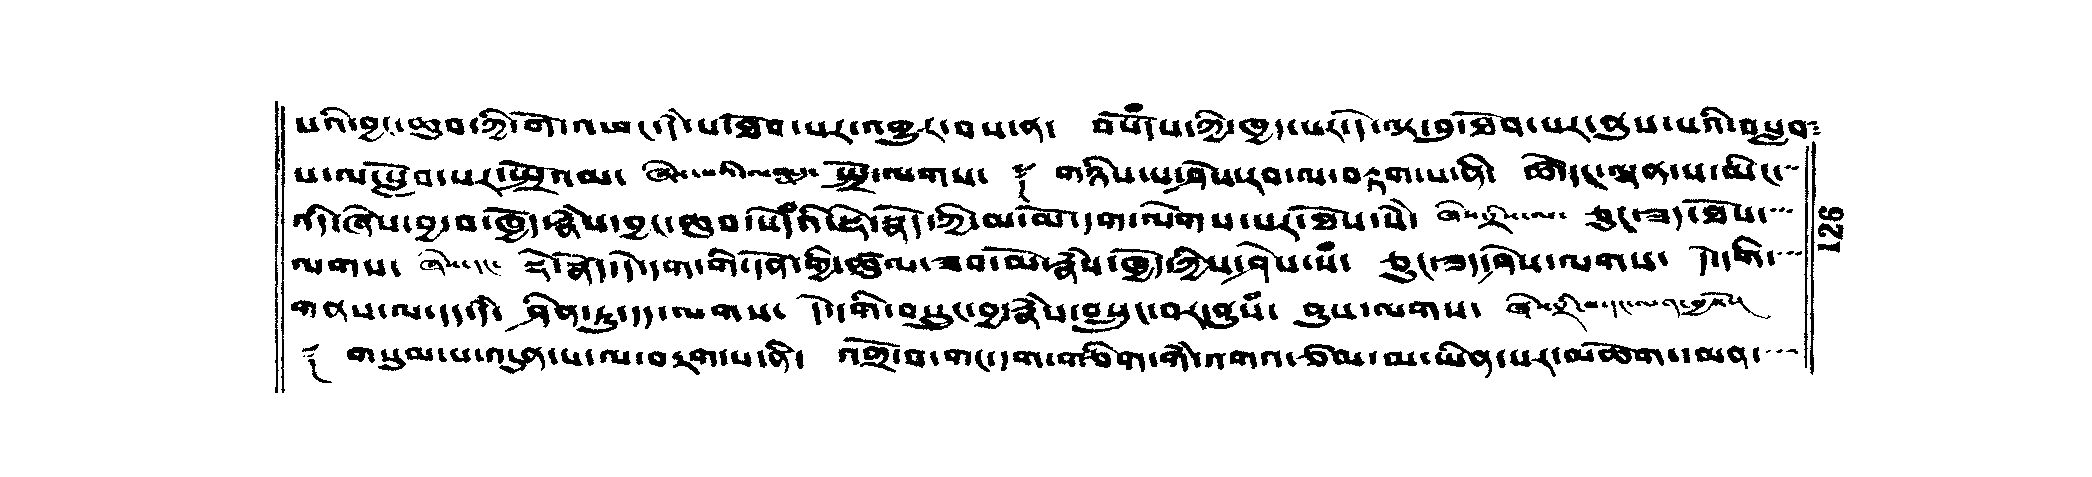པའི་བྱང་ཆུབ་ཀྱི་གོ་འཕང་དམ་པ་ཐོབ་པར་འགྱུར་བས་ན། བསོད་ནམས་ཀྱི་ཁྱད་པར་དེ་ལྟ་བུ་ཐོབ་པར་ནུས་པའི་བསླབ་
པ་ལ་སློབ་པར་སྤྲོའམ། ཞེས་པའི་ལན་དུ། སྤྲོ་ལགས། ༈ གཉིས་པ་ཤེས་རབ་ལ་བརྟག་པ་ནི། ཚེ་དང་ལྡན་པ་མིང་
འདི་ཞེས་བྱ་བ་ཁྱོད་རྣམས་བྱང་ཆུབ་སེམས་དཔའི་སྡོ་སྣོད་ཀྱི་མ་མོ་དག་ལེགས་པར་ཐོས་སམ། ཞེས་དྲིས་ལ། ཅུང་ཟད་ཐོས་
ལགས། ཞེས་དང་། སྡེ་སྣོད་དེ་དག་གི་དོན་གྱི་ཚུལ་ཟབ་མོ་རྣམས་ཁྱོད་ཀྱིས་ཤེས་སམ། ཅུང་ཟད་ཤེས་ལགས། དེ་དག་གི་
གནས་ལ་དད་དམ། ཤིན་ཏུ་དད་ལགས། དེ་དག་གི་བསྲུང་བྱ་རྣམས་བསྲུང་བར་ནུས་སམ། ནུས་ལགས། ཞེས་དྲི་བ་དང་ལན་བྱའོ། 
༈ གསུམ་པ་འདུན་པ་ལ་བརྟག་པ་ནི། འགྲོ་བ་གང་དག་གཅིག་གམ་འགའ་ཙམ་མ་ཡིན་པར་མཆོག་དམན་